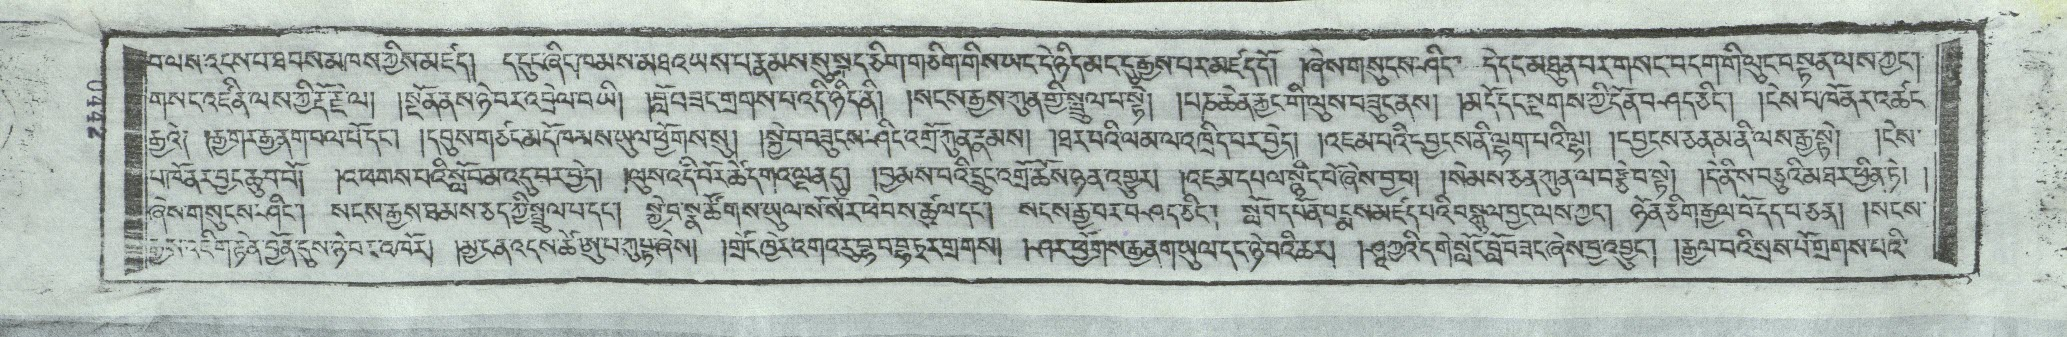བ་ལས་འདས་པ་ཐབས་མཁས་ཀྱིས་མཛད། ད་དུང་ཞིང་ཁམས་མཐའ་ཡས་པ་རྣམས་སུ་སྐད་ཅིག་གཅིག་གིས་ཡང་དེ་ཉིད་མང་དུ་རྒྱས་པར་མཛད་དོ། །ཞེས་གསུངས་ཤིང་དེ་དང་མཐུན་པར་གསང་བདག་གི་ལུང་བསྟན་ལས་ཀྱང་།
གསང་འཛིན་ལས་ཀྱི་རྡོ་རྗེ་ལ། །སྔོན་ནས་ཉེ་བར་འབྲེལ་བ་ཡི། །བློ་བཟང་གྲགས་པ་འདི་ཉིད་ནི། །སངས་རྒྱས་ཀུན་གྱི་སྦྲུལ་པ་སྟེ། །པཎ་ཆེན་རྐྱང་གི་ལུས་བཟུང་ནས། །མདོ་དང་སྔགས་ཀྱི་དོན་བཤད་ཅིང་། །ངེས་པ་ཁོ་ནར་འཚང་
རྒྱའེ༑ ༑རྒྱ་གར་རྒྱ་ནག་བལ་པོ་དང་། །དབུས་གཙང་མདོ་ཁམས་ཡུལ་ཕྱོགས་སུ། །སྐྱེ་བ་བཟུངས་ཤིང་འགྲོ་ཀུན་རྣམས། །ཐར་པའི་ལམ་ལ་འཁྲིད་པར་བྱེད། །འཇམ་པའི་དབྱངས་ནི་ལྷག་པའི་ལྷ། །དབྱངས་ཅན་མ་ནི་ལས་རྒྱ་སྟེ། །ངེས་
པ་ཁོ་ནར་བྱང་ཆུབ་བོ། །འཕགས་པའི་སློབ་མ་འདུ་བར་བྱེད། །ལུས་འདི་བོར་ཚེ་དགའ་ལྡན་དུ། །བྱམས་བའི་དྲུང་འགྲོ་ཆོས་ཉན་འགྱུར། །འཇམ་དཔལ་སྙིང་པོ་ཞེས་བྱ་བ། །སེམས་ཅན་ཀུན་ལ་བརྩེ་བ་སྟེ། །དེ་ནི་ས་བཅུའི་མཐར་ཕྱིན་ཏེ། །
ཞེས་གསུངས་ཤིང་། སངས་རྒྱས་ཐམས་ཅད་ཀྱི་སྤྲུལ་པ་དང་། སྐྱེ་བ་སྣ་ཚོགས་ཡུལ་སོ་སོར་ཕེབས་ཚུལ་དང་། སངས་རྒྱ་བར་བཤད་ཅིང་། སློབ་དཔོན་པདམས་མཛད་པའི་བསྐུལ་བྱང་ལས་ཀྱང་། ཉོན་ཅིག་རྒྱལ་བོ་དད་པ་ཅན། །སངས་
རྒྱས་འཇིག་རྟེན་བྱོན་དུས་ཉེ་བར་འཁོར། །མྱ་ངན་འདས་ཚེ་ཨུ་པ་ཀུ་བྷ་ཞེས། །གྲོང་ཁྱེར་འགའ་རུ་བྷ་བ་བྷ་ཏྲར་གྲགས། །ཤར་ཕྱོགས་རྒྱ་ནག་ཡུལ་དང་ཉེ་བའི་ཆར། །ཤཱཀྱའི་དགེ་སློང་བློ་བཟང་ཞེས་བྱ་འབྱུང་། །རྒྱལ་བའི་སྲས་པོ་གྲགས་པའི་